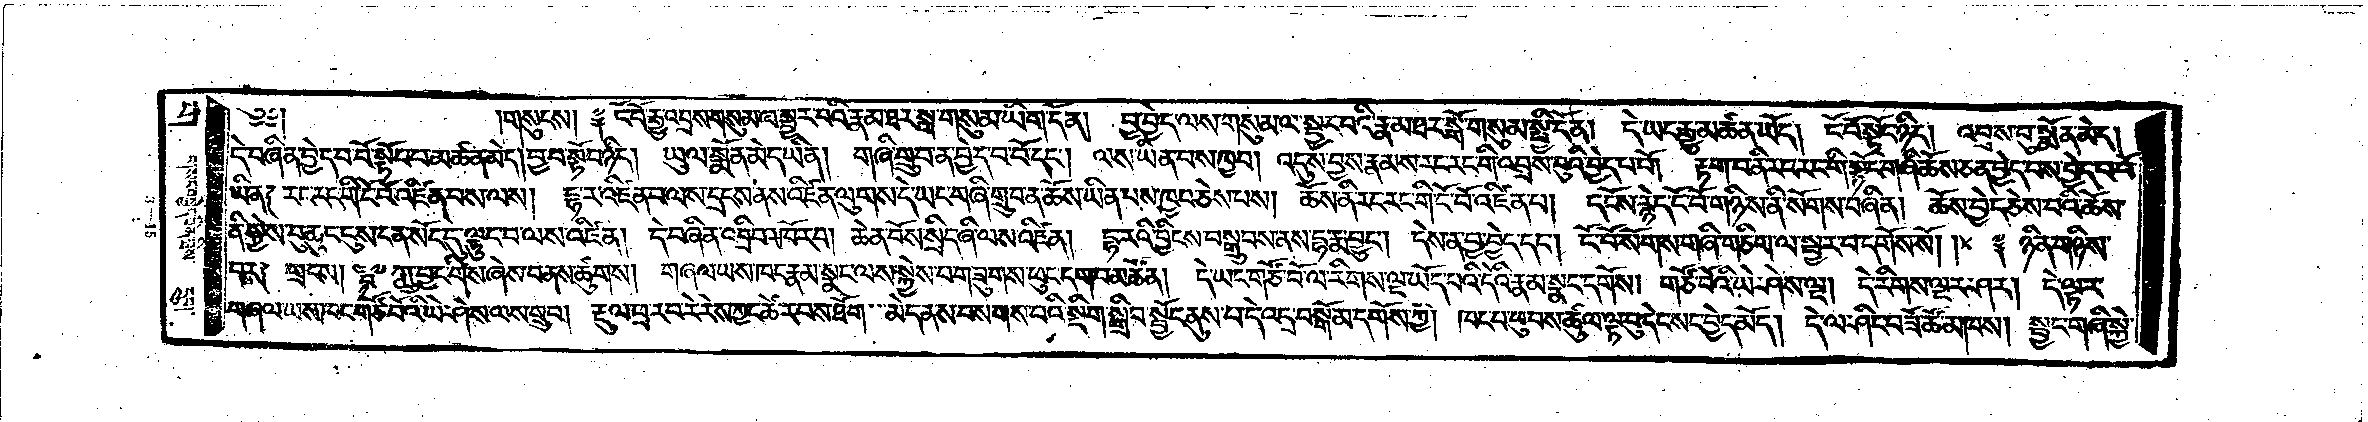༄༅། །གསུངས། ༈ ངོ་བོ་རྒྱུ་འབྲས་གསུམ་ལ་སྦྱར་བའི་རྣམ་ཐར་སྒ་གསུམ་ཡིག་དོན། བྱ་བྱེད་ལས་གསུམ་ལ་སྦྱང་བའི་རྣམ་ཐར་སྒོ་གསུམ་སྤྱི་དོན། དེ་ཡང་རྒྱུ་མཚན་ཡོད། ངོ་བོ་སྟོང་ཉིད། འབྲས་བུ་སྨོན་མེད།
དེ་བཞིན་བྱེད་བ་བོ་སྟོང་པ་མཚན་མེད། བྱ་བ་སྟོང་ཉིད། ཡུལ་སྨོན་མེད་ཡིན། གཞི་གྲུབ་ན་བྱེད་པ་བོ་དང་། ལས་ཡིན་བས་ཁྱབ། འདུས་བྱས་རྣམས་རང་རང་གི་འབྲས་བུའི་བྱེད་པ་བོ། རྟག་བ་ནི་རང་རང་གི་སྟོང་གཞི་ཆོས་ཅན་བྱེད་བས་བྱེད་བ་པོ་
ཡིན༑ རང་རང་གི་ངོ་བོ་འཛིན་བས་ལས། དྷ་ར་འཛིན་བ་ལས་དྲངས་ནས་འཛིན་ལུགས་དེ་ཡང་གཞི་གྲུབ་ན་ཆོས་ཡིན་པས་ཁྱབ་ཅེས་པས། ཆོས་ནི་རང་རང་གི་ངོ་བོ་འཛིན་པ། དངོས་རྙེད་ངོ་བོ་གཉིས་ནི་སོགས་བཞིན། ཆོས་བྱེད་ཅེས་བའི་ཆོས་
ནི་གྱེས་བུ་ཆུང་ངུས་ངན་སོང་དུ་ལྟུང་བ་ལས་འཛིན། དེ་བཞིན་འབྲིབ་འཁོར་བ། ཆེན་བོས་སྲིད་ཞི་ལས་འཛིན། དྷ་རའི་བྱིངས་བསྒྲུབས་ནས་དྷརྨ་བྱུང་། དེས་ན་བྱ་བྱེད་དང་། ངོ་བོ་སོགས་གཞི་གཅིག་ལ་སྦྱར་བ་དགོས་སོ། །྾་༈ ཉིན་གཉིས་
པར༑ གྲངས། ༤༧བ༡་ཀླུ་བྱང་གིས་ཞེས་བ་ནས་ཚུགས། གཞལ་ཡས་ཁང་རྣམ་སྣང་ལས་སྐྱེས་བ་གཟུགས་ཕུང་དགའ་བ་མཚོན། དེ་ཡང་གཙོ་བོ་ལ་རིགས་ལྔ་ཡོད་པའི་དེའི་རྣམ་སྣང་དགོས། གཙོ་བོའི་ཡེ་ཤེས་ལྔ། དེ་རིགས་ལྔར་ཤར། དེ་ལྟར་
གཞལ་ཡས་ཁང་གཙོ་བོའི་ཡེ་ཤེས་ལས་གྲུབ། རྡུལ་ཕྲ་རབ་རེ་རེས་ཀྱང་ཚེ་རབས་ཐོག་མེད་ནས་བསགས་པའི་སྡིག་སྒྲིབ་སྦྱོང་ནུས་པ་དེ་འདྲ་བསྒོམ་དགོས་ཀྱི། ཁང་པ་ཕུབས་ཚུལ་ལྟ་བུ་དེང་སང་བྱེད་མོད། དེ་ལ་ཤིང་བཟོ་ཚོ་མཁས། སྦྱང་གཞི་སྐྱེ་